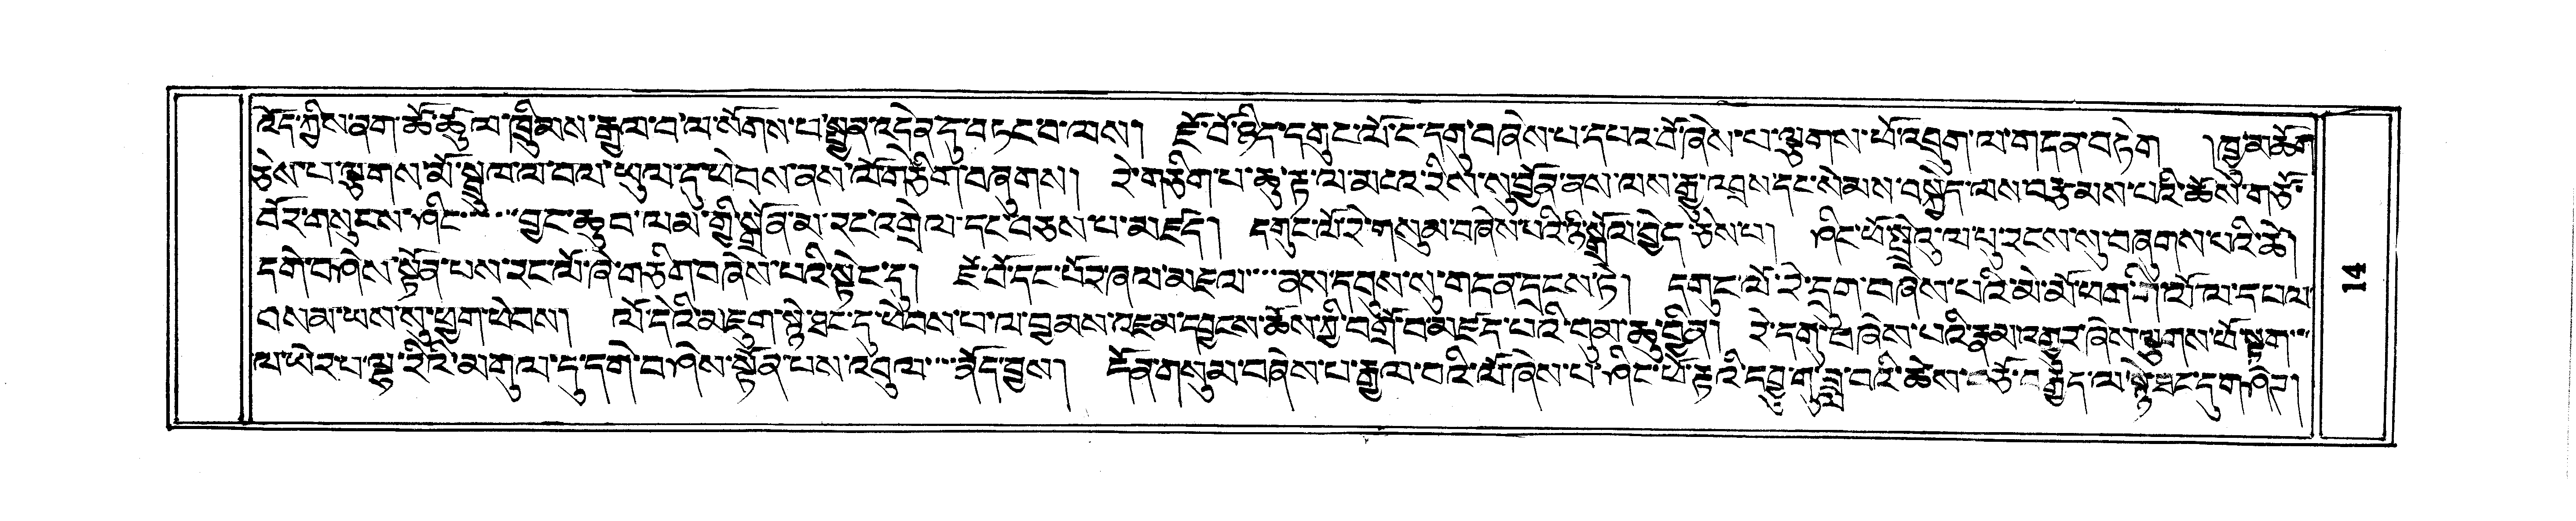འོད་ཀྱིས་ནག་ཚོ་ཚུལ་ཁྲིམས་རྒྱལ་བ་ལ་སོགས་པ་སྤྱན་འདེན་དུ་བཏང་བ་ལས། ཇོ་བོ་ཉིད་དགུང་ལོ་ང་དགུ་བཞེས་པ་དཔའ་བོ་ཞེས་པ་ལྕགས་ཕོ་འབྲུག་ལ་གདན་བཏེག །ཁྱུ་མཆོག་
ཅེས་པ་ལྕགས་མོ་སྦྲུལ་ལ་བལ་ཡུལ་དུ་ཕེབས་ནས་ལོ་གཅིག་བཞུགས། རེ་གཅིག་པ་ཆུ་རྟ་ལ་མངའ་རིས་སུ་བྱོན་ནས་ལས་རྒྱུ་འབྲས་དང་སེམས་བསྐྱེད་ལས་བརྩམས་པའི་ཆོས་གཙོ་
བོར་གསུངས་ཤིང་བྱང་ཆུབ་ལམ་གྱི་སྒྲོན་མ་རང་འགྲེལ་དང་བཅས་པ་མཛད། དགུང་ལོ་རེ་གསུམ་བཞེས་པའི་ཉི་སྒྲོལ་བྱེད་ཅེས་པ། ཤིང་ཕོ་སྤྲེའུ་ལ་པུ་རངས་སུ་བཞུགས་པའི་ཚེ།
དགེ་བཤེས་སྟོན་པས་རང་ལོ་ཞེ་གཅིག་བཞེས་པའི་སྟེང་དུ། ཇོ་བོ་དང་པོར་ཞལ་མཇལ་ནས་དབུས་སུ་གདན་དྲངས་ཏེ། དགུང་ལོ་རེ་དྲུག་བཞེས་པའི་མེ་མོ་ཕག་གི་ལོ་ལ་དཔལ་
བསམ་ཡས་སུ་ཕྱག་ཕེབས། ལོ་དེའི་མཇུག་སྙེ་ཐང་དུ་ཕེབས་པ་ལ་བྱམས་འཇམ་དབྱངས་ཆོས་ཀྱི་བགྲོ་བ་མཛད་པའི་བུམ་ཆུ་བྱིན། རེ་དགུ་བཞེས་པའི་རྣམ་འགྱུར་ཞེས་ལྕགས་ཕོ་སྟག་
ལ་ཡེར་པ་ལྷ་རིའི་མགུལ་དུ་དགེ་བཤེས་སྟོན་པས་འབུལ་ནོད་བྱས། དོན་གསུམ་བཞེས་པ་རྒྱལ་བའི་ལོ་ཞེས་པ་ཤིང་ཕོ་རྟའི་དབྱུ་གུ་ཟླ་བའི་ཚེས་བཅོ་བརྒྱད་ལ་སྙེ་ཐང་དུ་གཤེཌ།